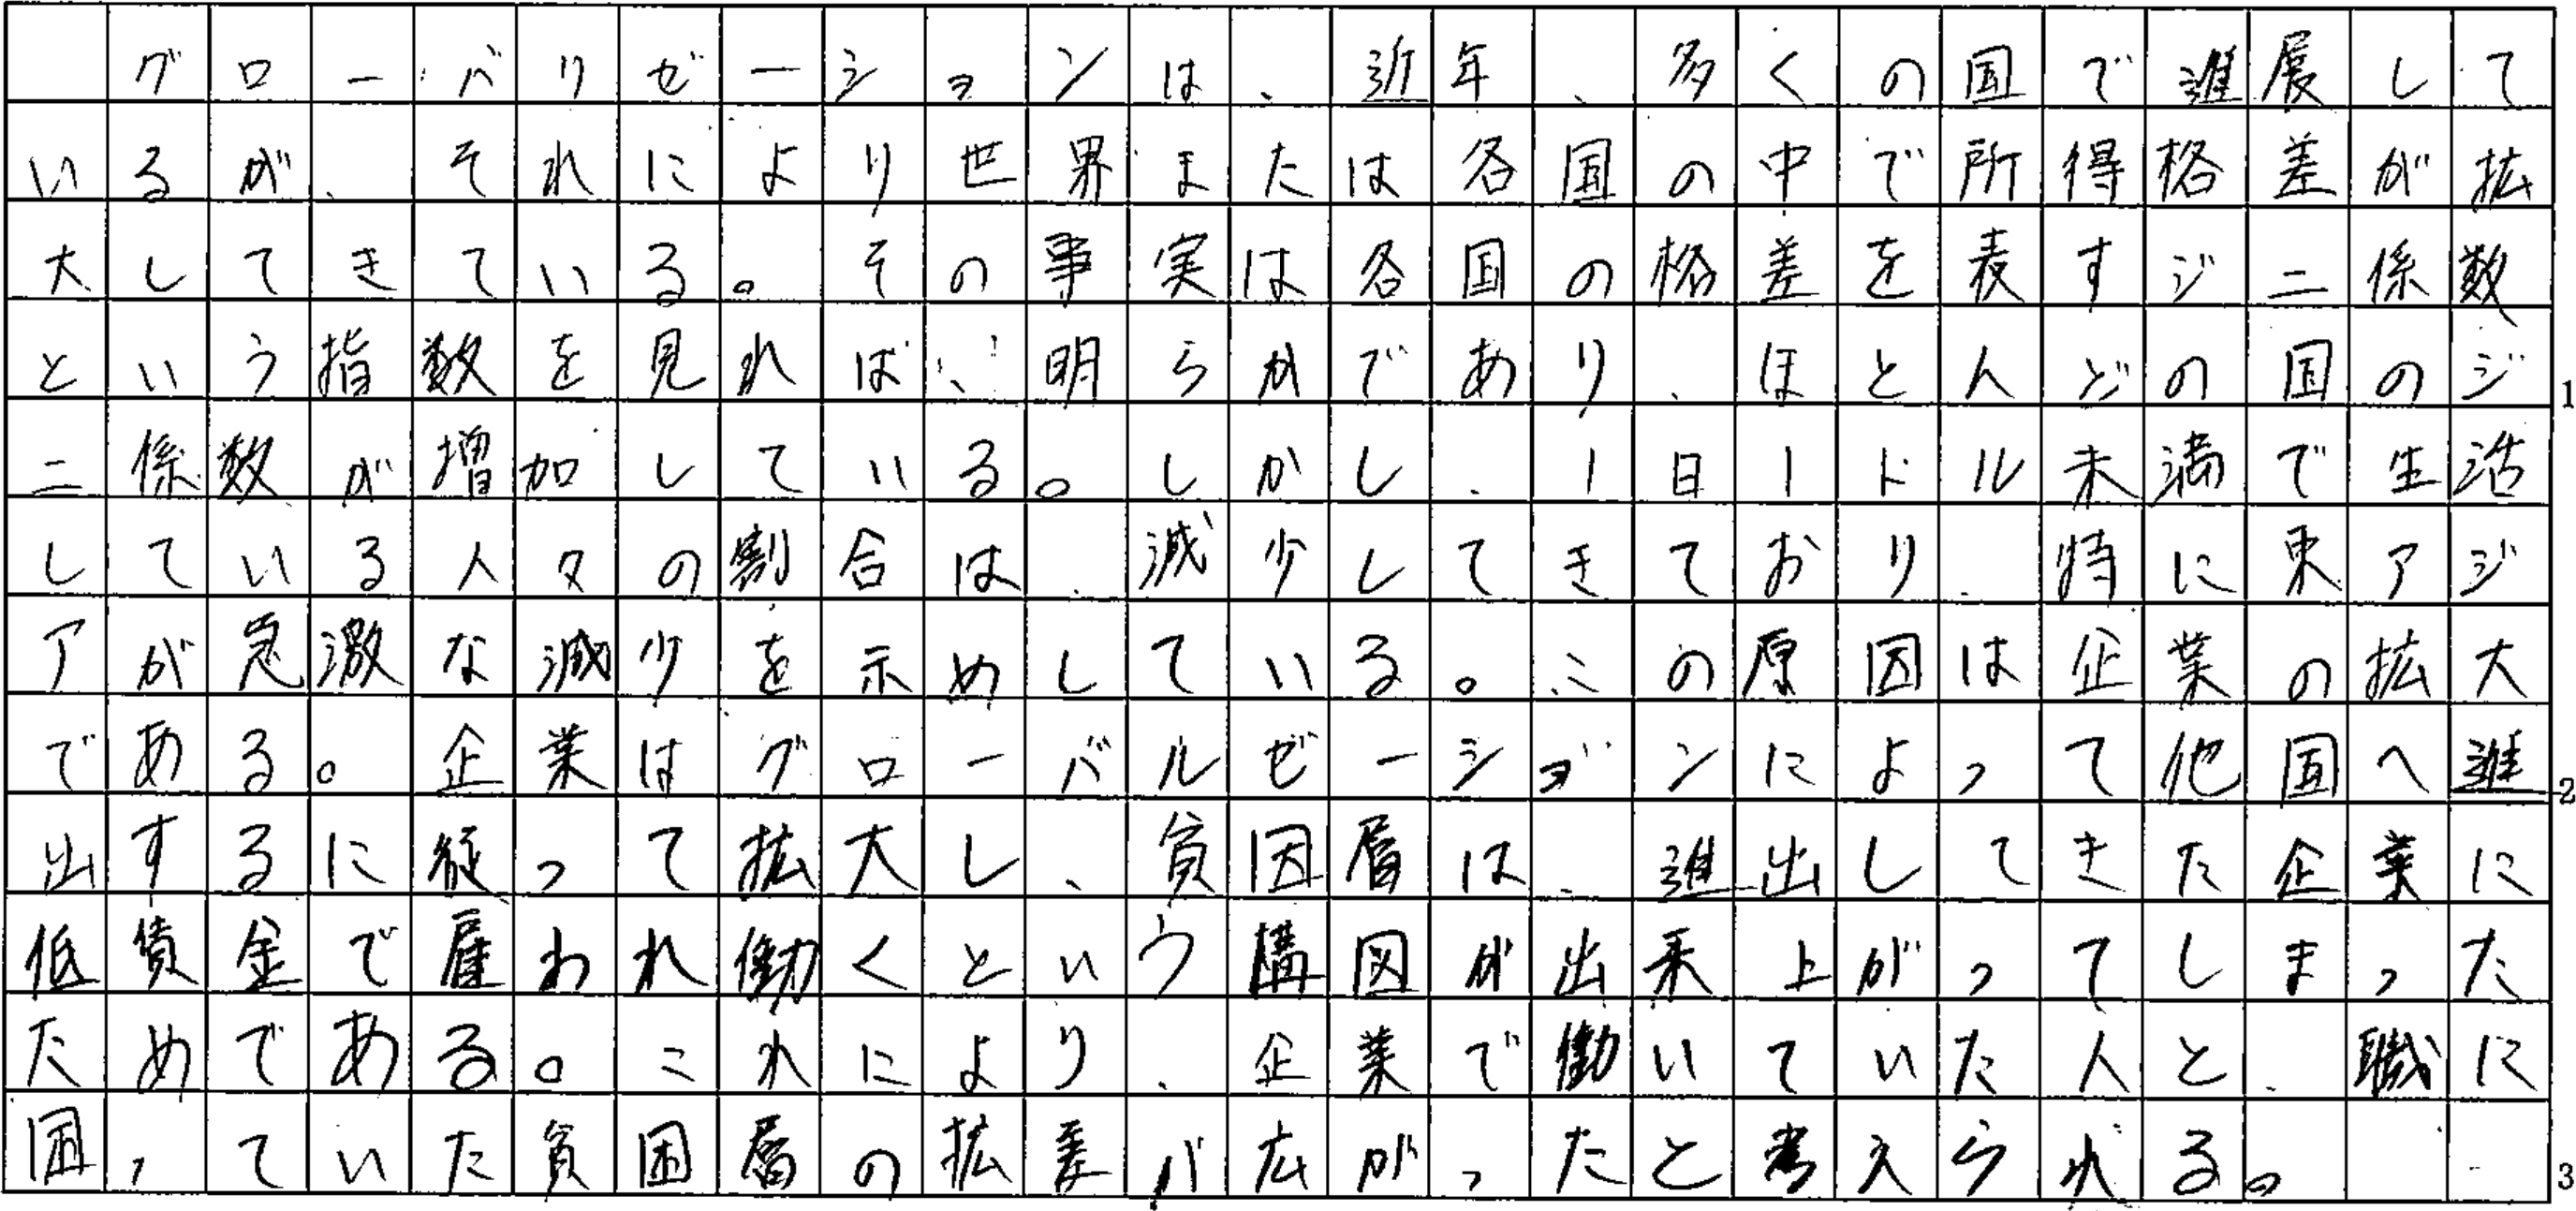　グローバリゼーションは、近年、多くの国で進展しているが、それにより世界または各国の中で所得格差が拡大してきている。その事実は各国の格差を表すジニ係数という指数を見れば、明らかであり、ほとんどの国のジニ係数が増加している。しかし、１日１ドル未満で生活している人々の割合は、減少してきており、特に東アジアが急激な減少を示めしている。この原因は企業の拡大である。企業はグローバルゼーションによって他国へ進出するに従って拡大し、貧因層は、進出してきた企業に低賃金で雇われ働くという構図が出来上がってしまったためである。これにより、企業で働いていた人と、職に困っていた貧困層の格差が広がったと考えられる。
